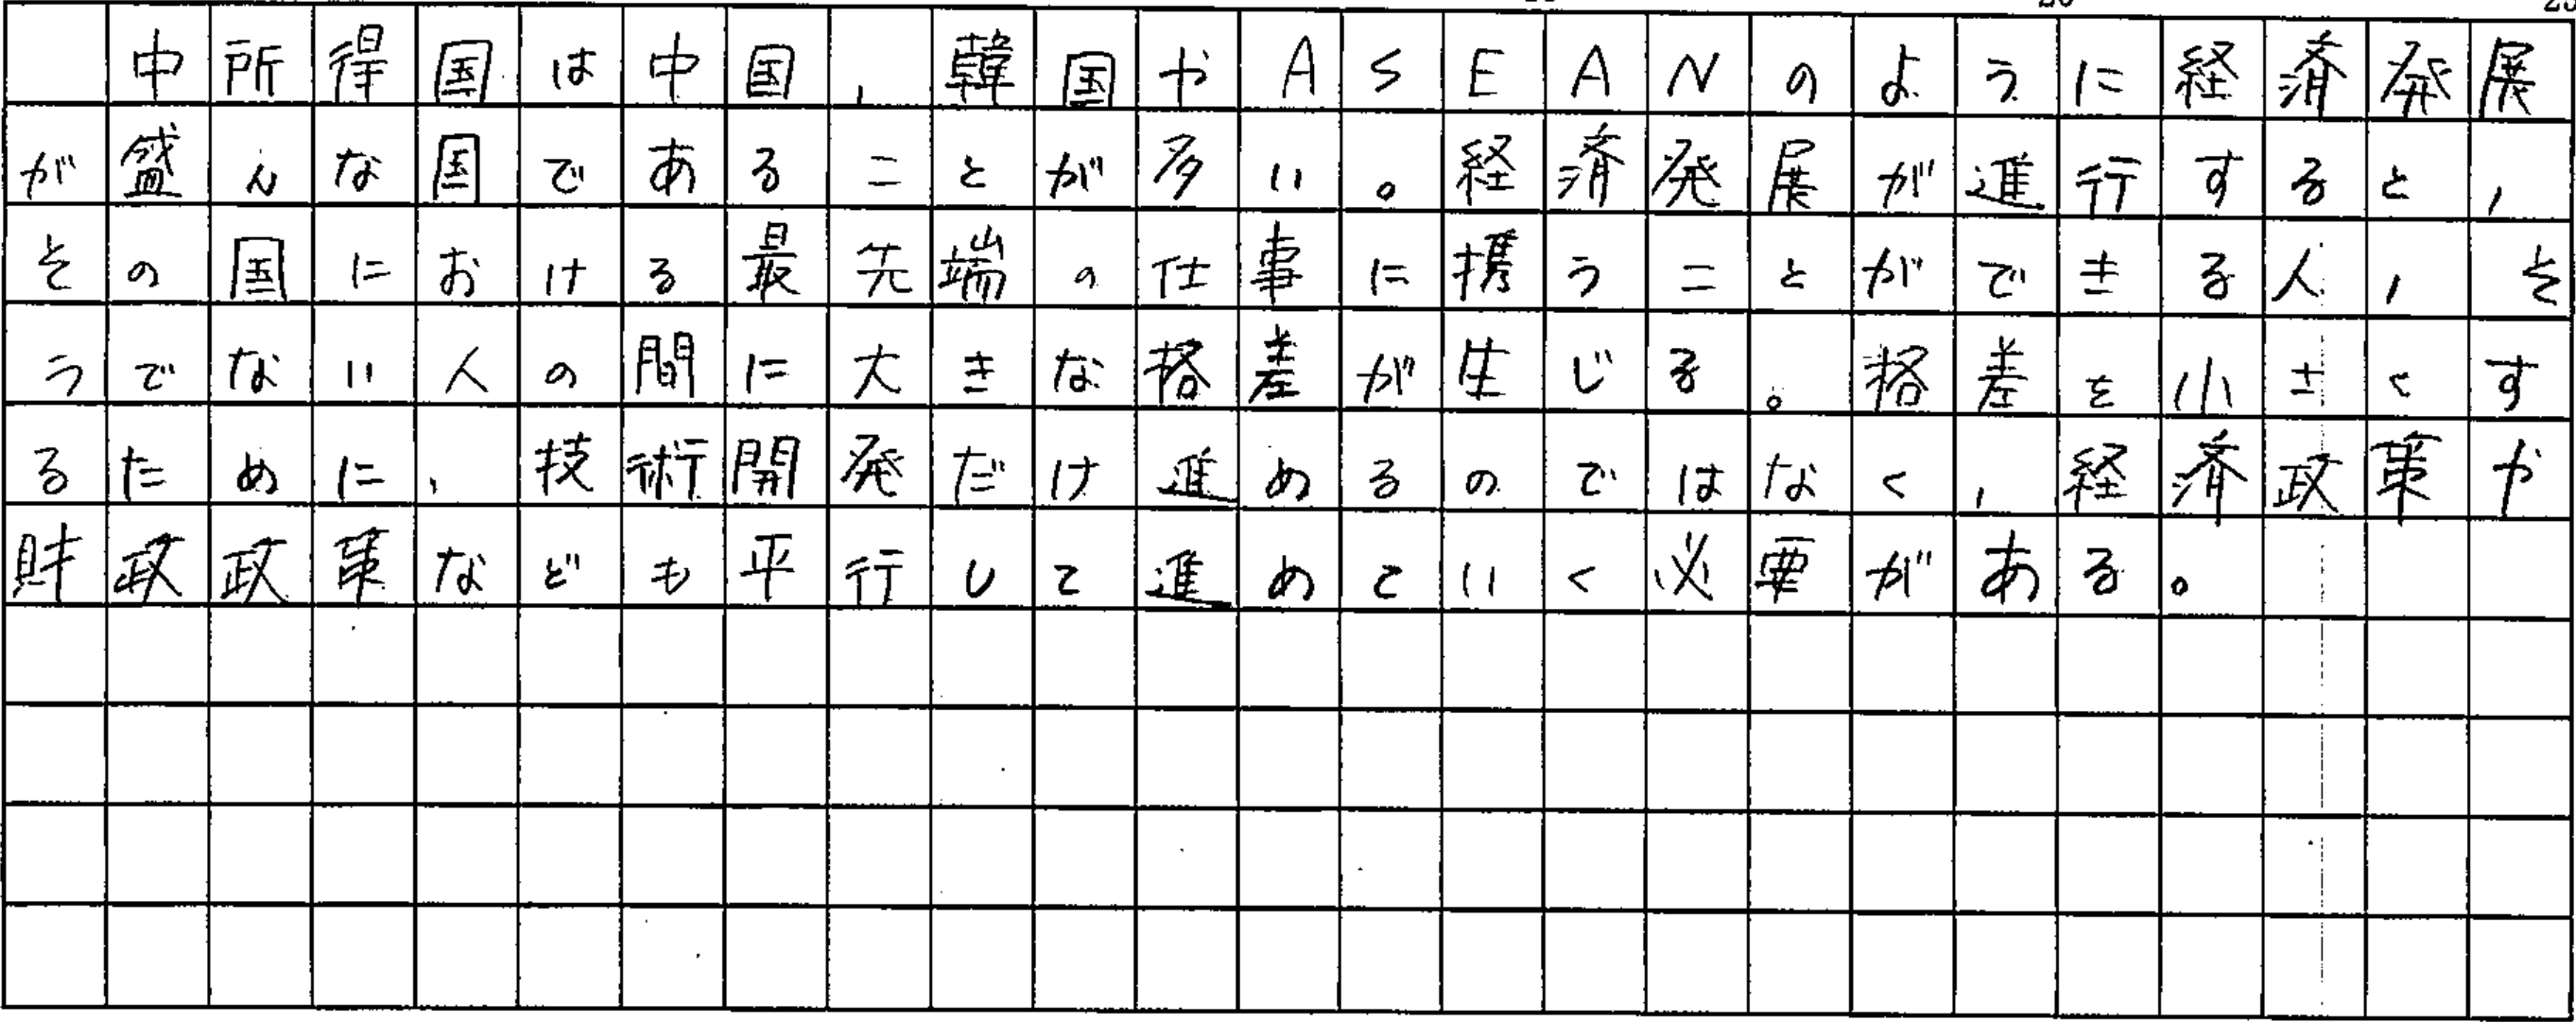　中所得国は中国，韓国やＡＳＥＡＮのように経済発展が盛んな国であることが多い。経済発展が進行すると，その国における最先端の仕事に携うことができる人，そうでない人の間に大きな格差が生じる。格差を小さくするために，技術開発だけ進めるのではなく，経済政策や財政政策なども平行して進めていく必要がある。
